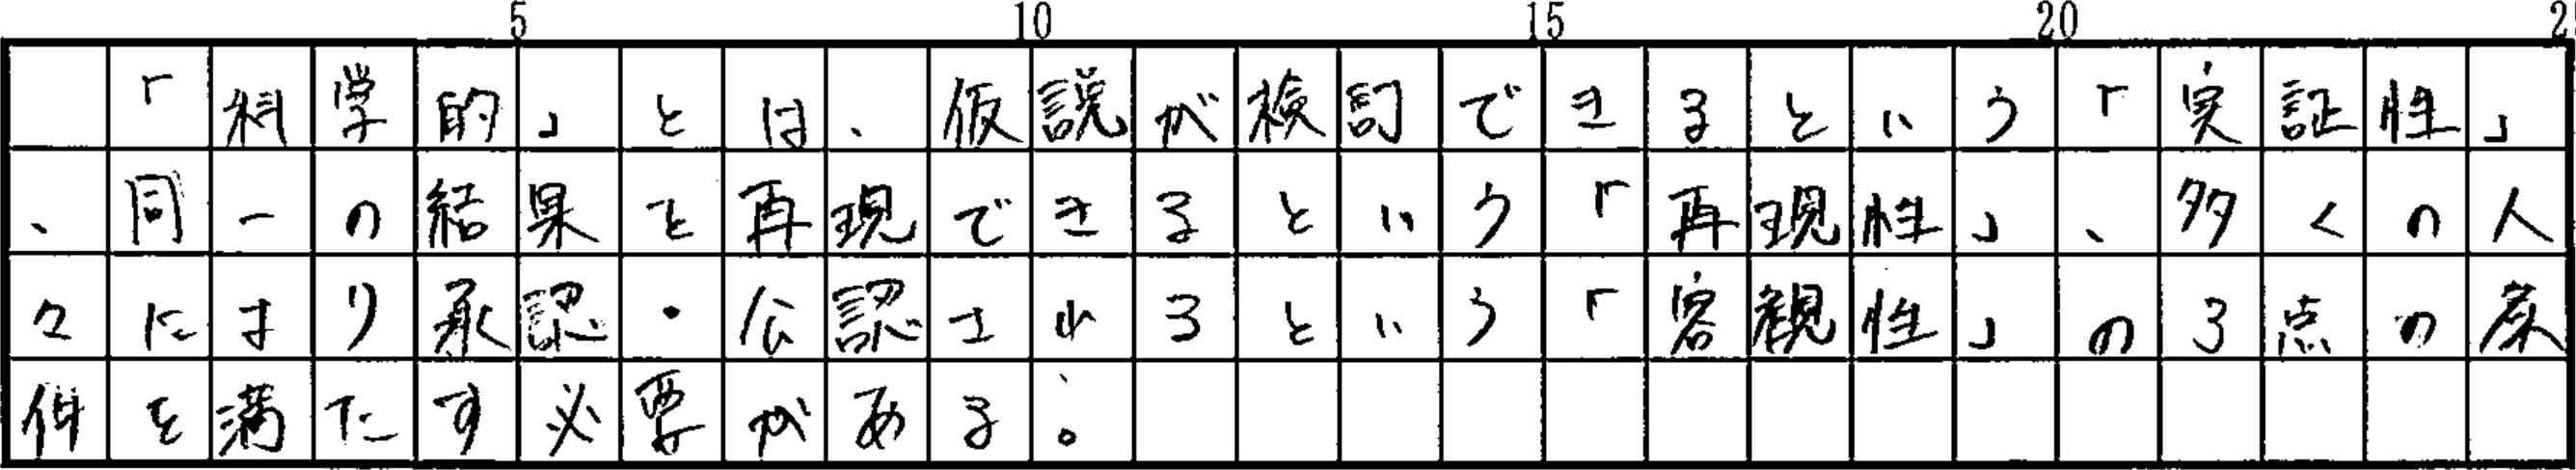　「科学的」とは、仮説が検▁できるという「実証性」、同一の結果を再現できるという「再現性」、多くの人々により承認・公認されるという「客観性」の３点の条件を満たす必要がある。
